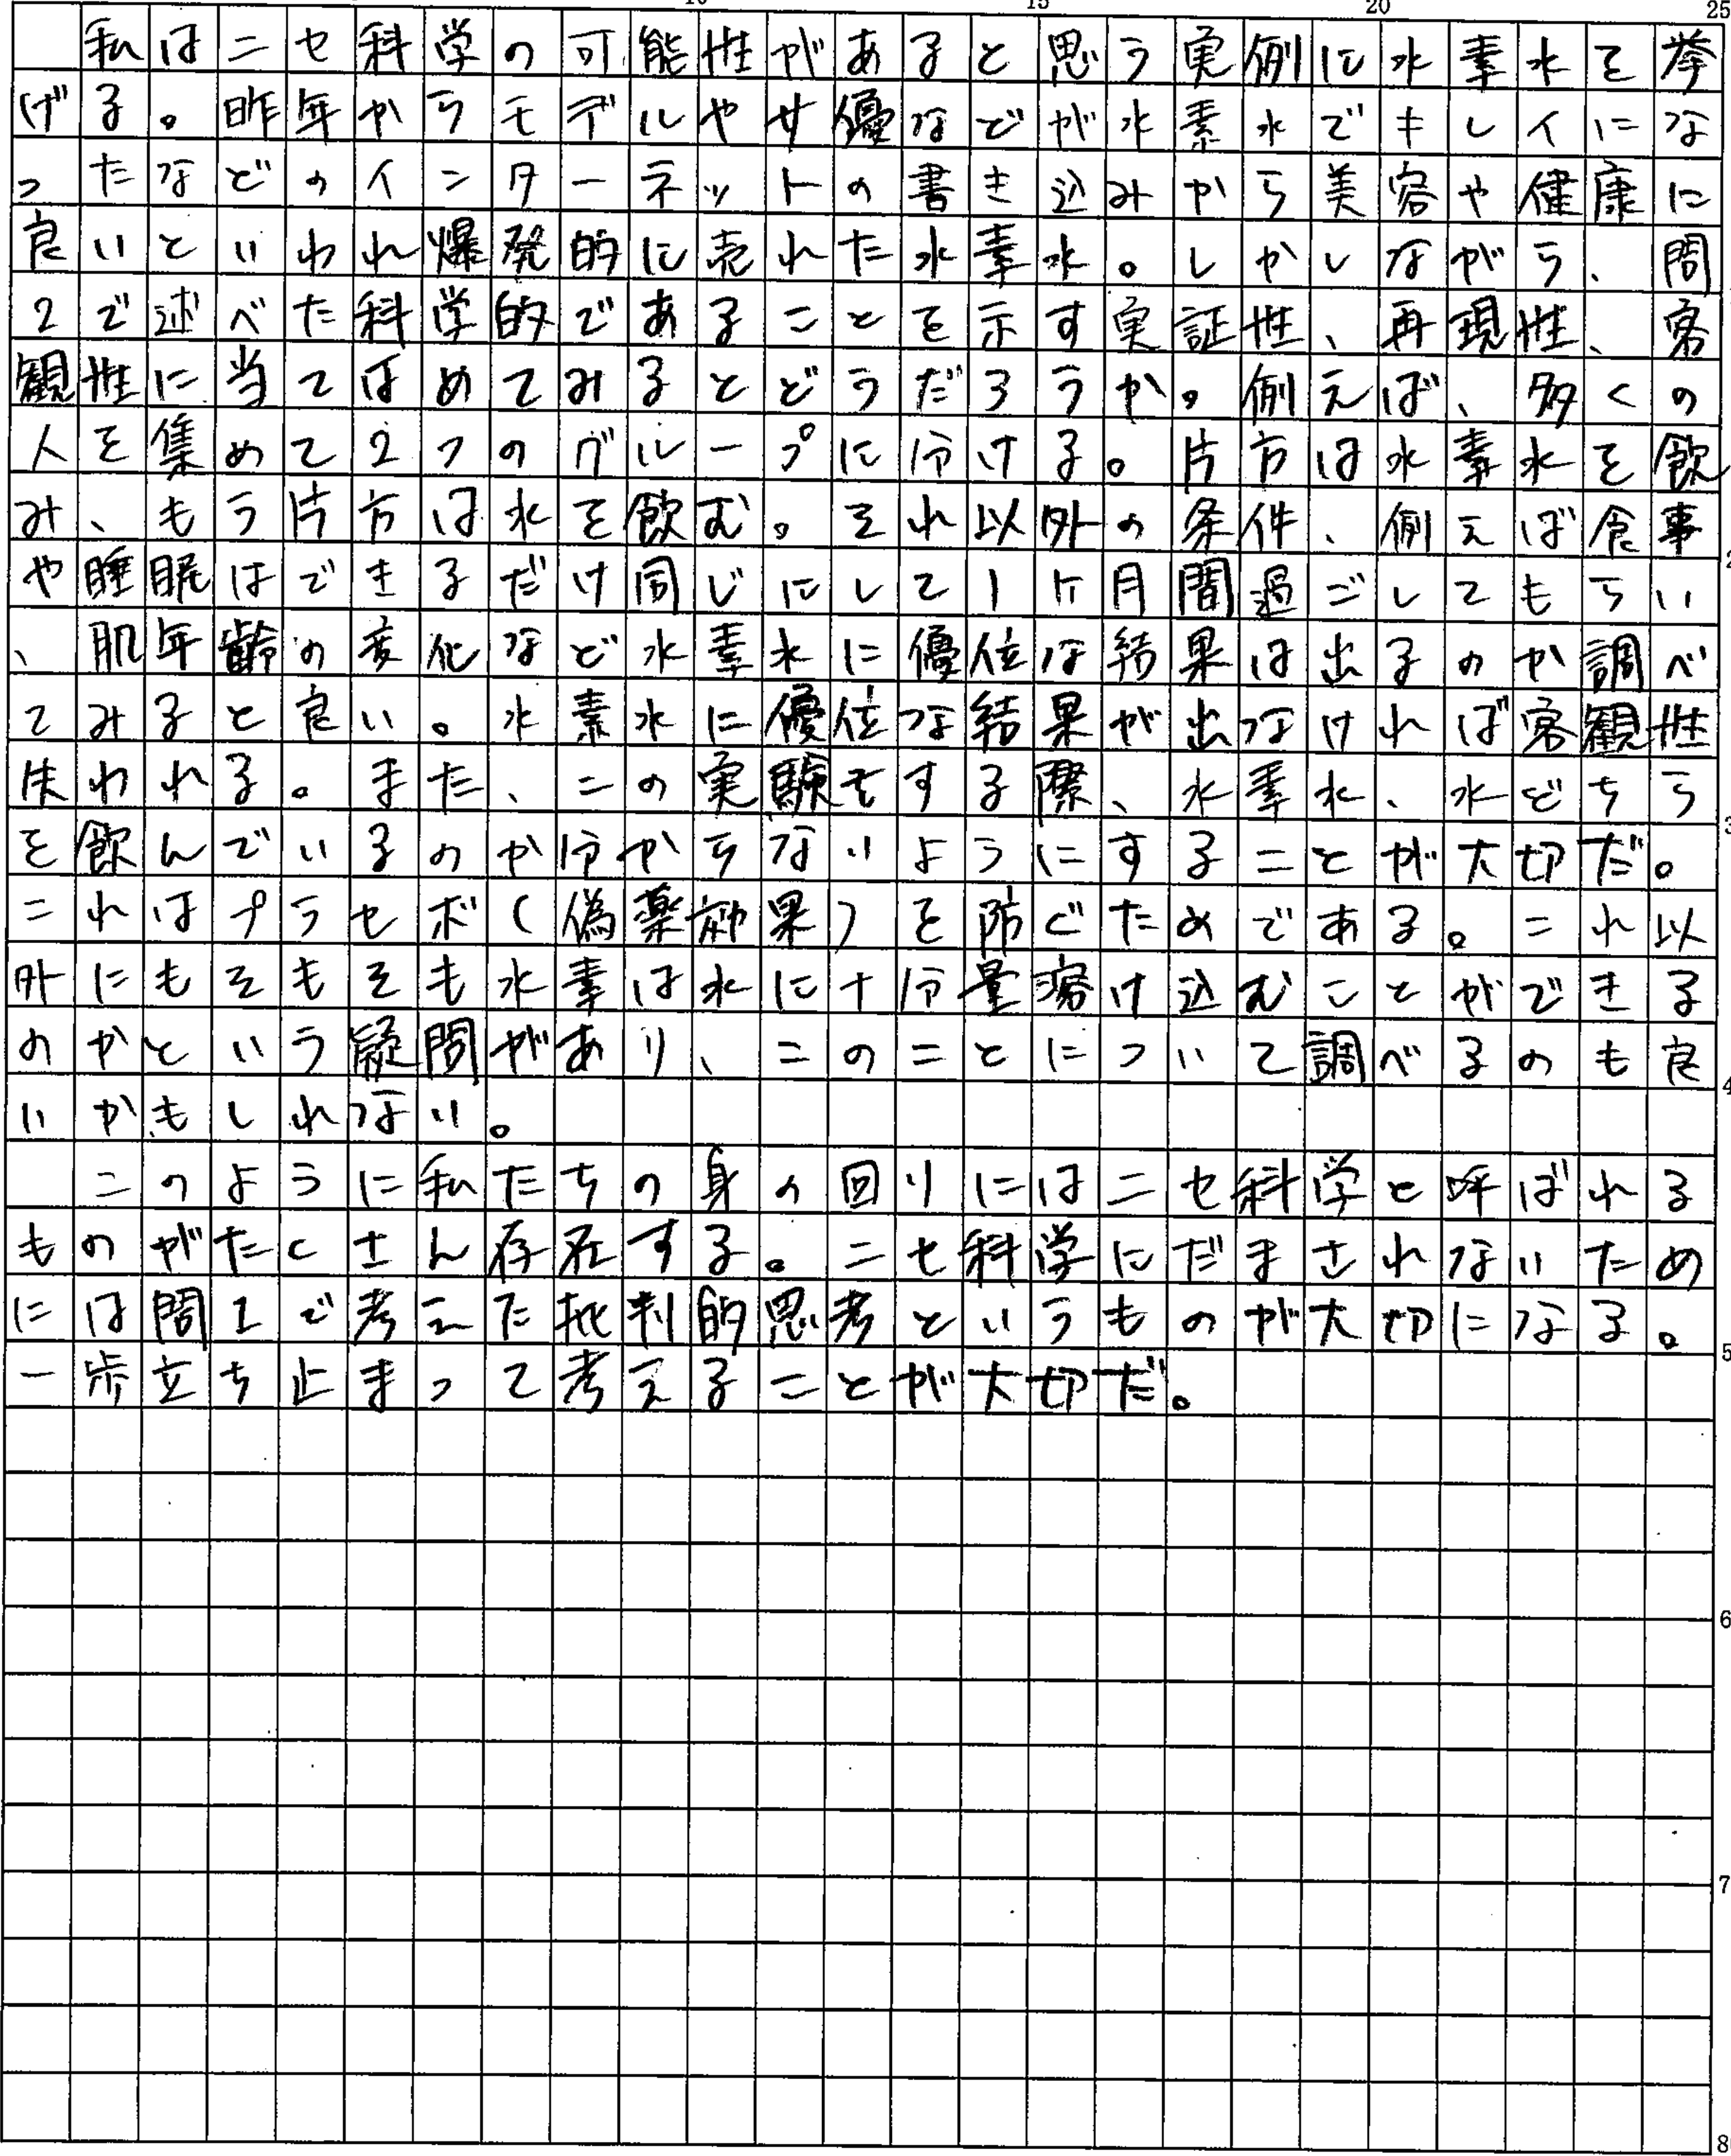　私はニセ科学の可能性があると思う実例に水素水を挙げる。昨年からモデルや女優などが水素水でキレイになったなどのインターネットの書き込みから美容や健康に良いといわれ爆発的に売れた水素水。しかしながら、問２で述べた科学的であることを示す実証性、再現性、客観性に当てはめてみるとどうだろうか。例えば、多くの人を集めて２つのグループに分ける。片方は水素水を飲み、もう片方は水を飲む。それ以外の条件、例えば食事や睡眠はできるだけ同じにして１ヶ月間過ごしてもらい、肌年齢の変化など水素水に優位な結果は出るのか調べてみると良い。水素水に優位な結果が出なければ客観性失われる。また、この実験をする際、水素水、水どちらを飲んでいるのか分からないようにすることが大切だ。これはプラセボ（偽薬効果）を防ぐためである。これ以外にもそもそも水素は水に十分量溶け込むことができるのかという疑問があり、このことについて調べるのも良いかもしれない。
　このように私たちの身の回りにはニセ科学と呼ばれるものがたくさん存在する。ニセ科学にだまされないためには問１で考えた批判的思考というものが大切になる。一歩立ち止まって考えることが大切だ。
